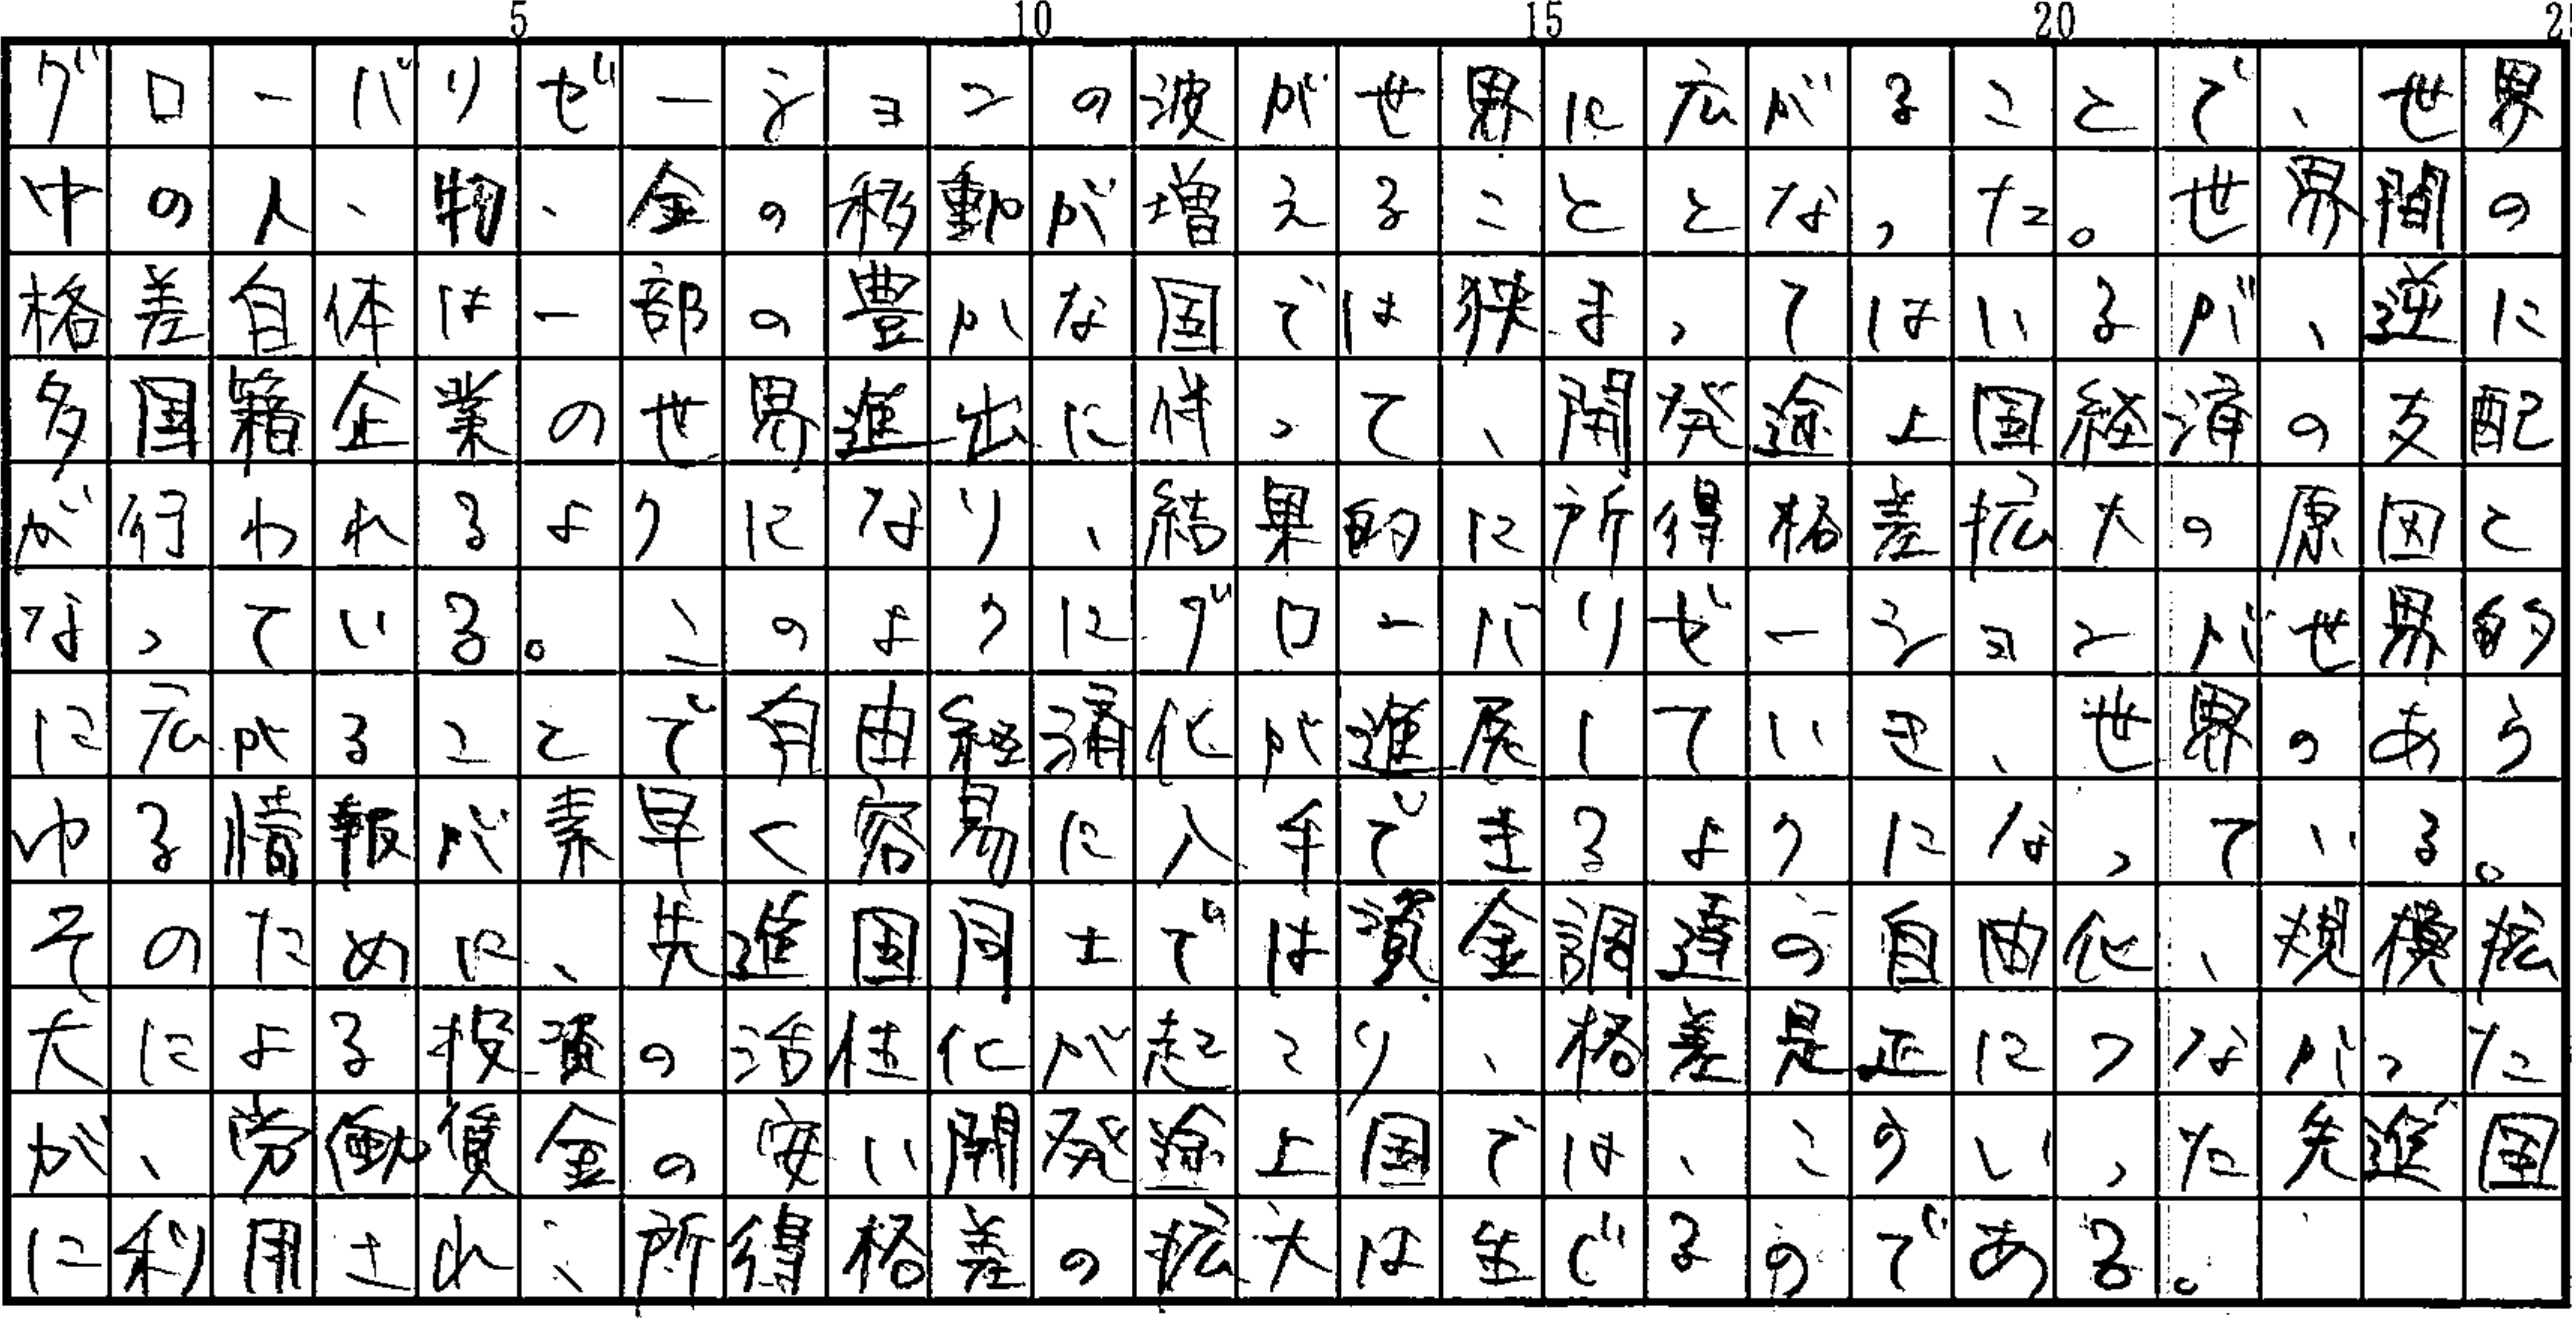グローバリゼーションの波が世界に広がることで、世界中の人・物・金の移動が増えることとなった。世界間の格差自体は一部の豊かな国では狭まってはいるが、逆に多国籍企業の世界進出に伴って、開発途上国経済の支配が行われるようになり、結果的に所得格差拡大の原因となっている。このようにグローバリゼーションが世界的に広がることで自由経済化が進展していき、世界のあらゆる情報が素早く容易に入手できるようになっている。そのために、先進国同士では資金調達の自由化、規模拡大による投資の活性化が起こり、格差是正につながったが、▁働賃金の安い開発途上国では、こういった先進国に利用され、所得格差の拡大は生じるのである。
